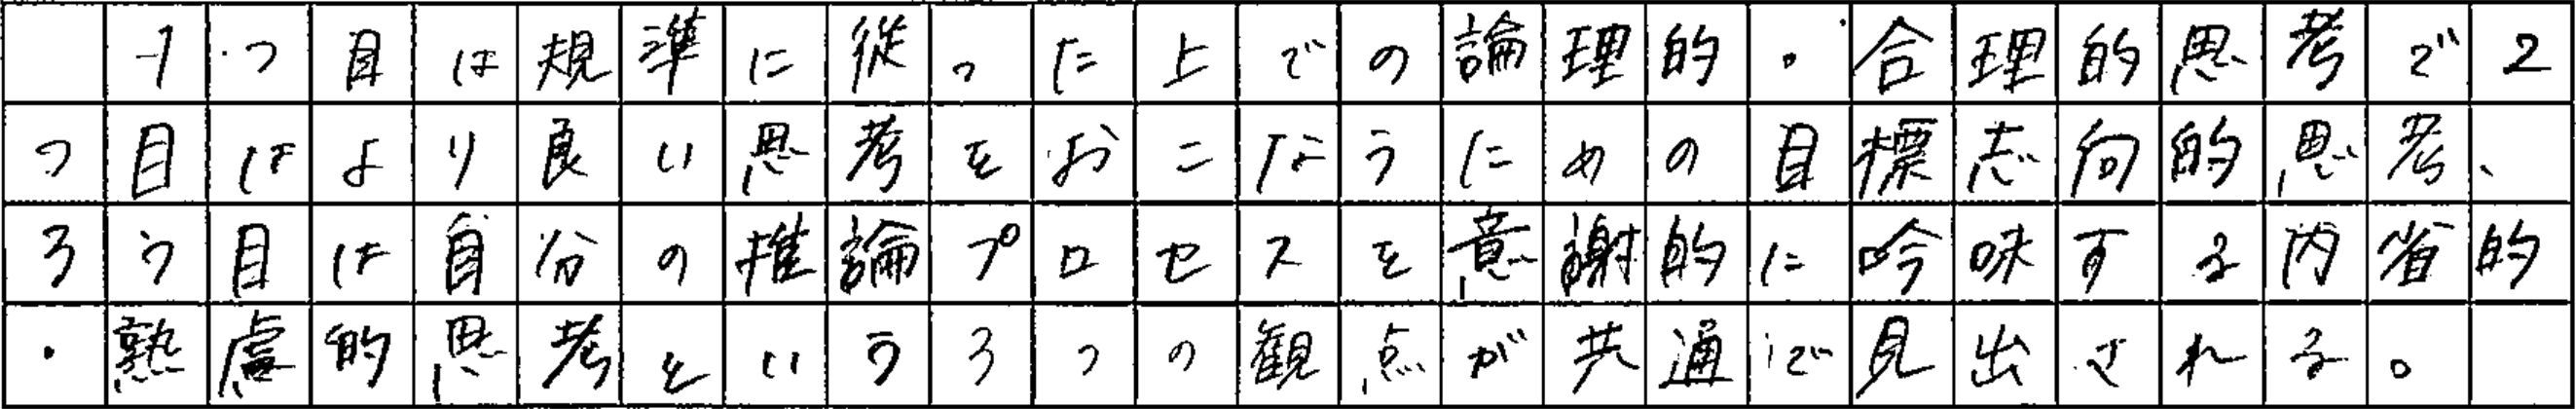　１つ目は規準に従った上での論理的・合理的思考で２つ目はより良い思考をおこなうための目標志向的思考、３つ目は自分の推論プロセスを意謝的に吟味する内省的・熟慮的思考という３つの観点が共通で見出される。
